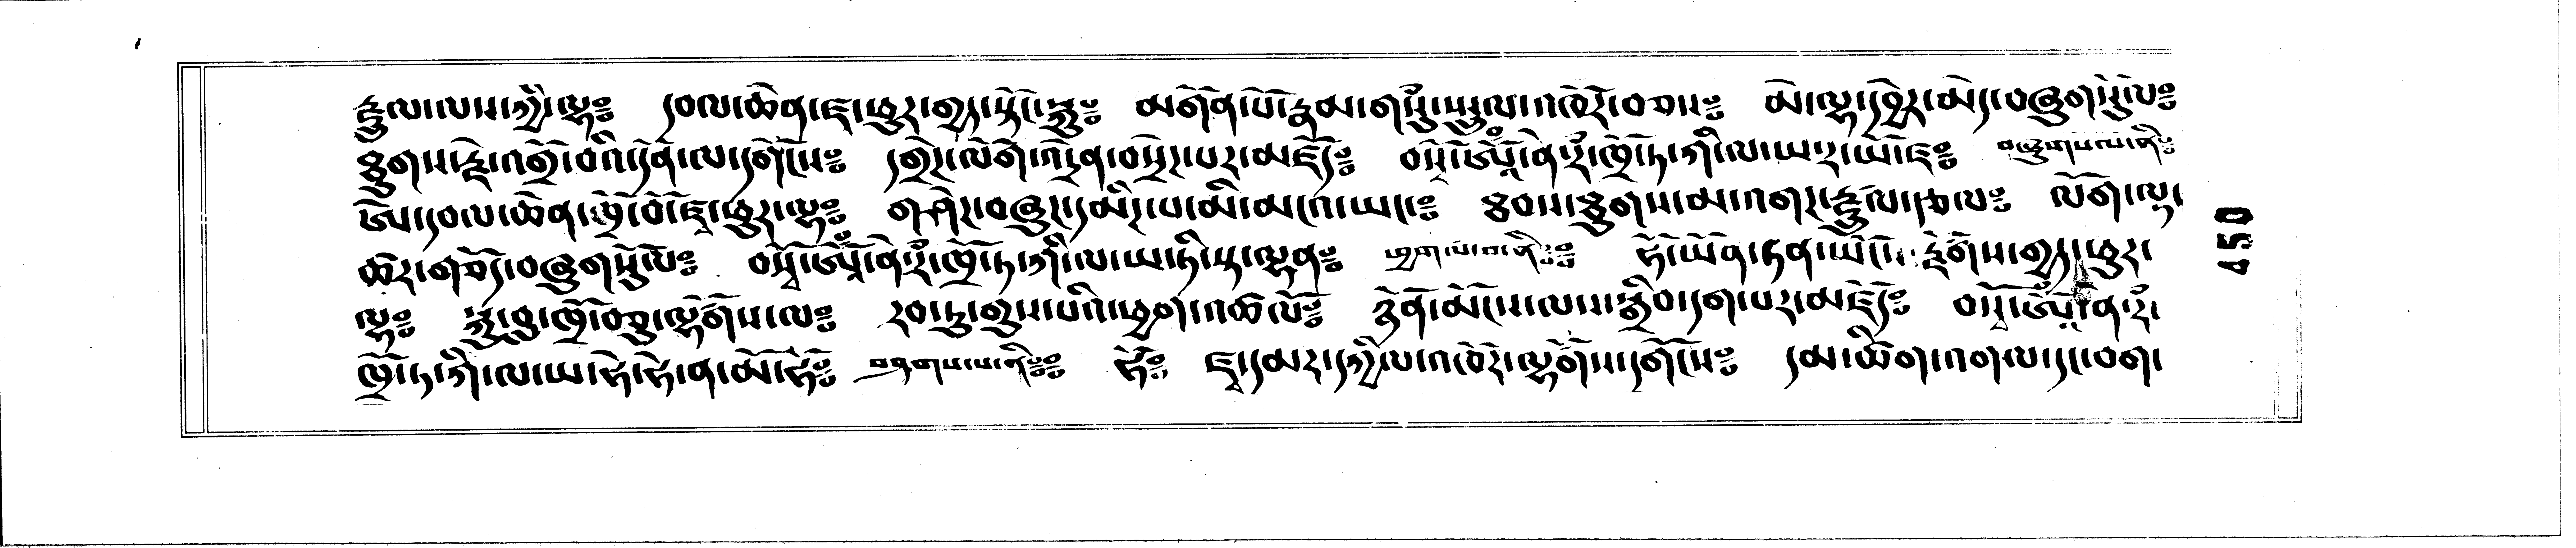རྫུ་འཕྲུལ་ལས་ཀྱི་ལྷ༔ དབལ་ཆེན་ཛྭ་ཕུར་གྱད་སྟོང་སྐུ༔མགོན་པོ་རྣམ་གསུམ་སྤྲུལ་འཁོར་བཅས༔མེ་ལྷ་དབྱེར་མེད་བཞུགས་སུ་གསོལ༔ 
ཐུགས་རྗེ་འགྲོ་བའི་དོན་ལ་དགོངས༔ དགྲ་བགེགས་ལོག་འདྲེན་བསྲེགས་པར་མཛོད༔བསྭོ་ཨཱོཾ་ནེ་རཾ་ཁྲོ་ཏ་ཀི་ལ་ཡ་ར་ཡོ་ཛ༔ བཞུགས་གསོལ་ནི༔ 
ཨེ་དབལ་ཆེན་ཁྲོ་བོ་ཛྭ་ཕུར་ལྷ༔ གཤེགས་བཞུགས་དམིགས་པ་མི་མངའ་ཡང་༔ཐབས་ཐུགས་མ་འགགས་རྫུ་འཕྲུལ་རྩལ༔ལོག་ལྟ་
ཚར་གཅོད་བཞུགས་སུ་གསོལ༔བསྭོ་ཨཱོཾ་ནེ་རཾ་ཁྲོ་ཏ་ཀི་ལ་ཡ་ཏི་སྟ་ལྷན༔ཕྱག་འཚལ་བ་ནི༔༔ ཧོཿ ཡོན་ཏན་ཡོངས་རྫོགས་གྱད་ཕུར་
ལྷ༔སྐུ་བླ་ཁྲོ་བཅུ་ལྷ་ཚོགས་ལ༔རབ་ཏུ་གུས་པའི་ཕྱག་འཚལ་ལོ༔ཉོན་མོངས་ལས་སྒྲིབ་དག་པར་མཛོད༔བསྭོ་ཨཱོཾ་ནེ་རཾ་
ཁྲོ་ཏ་ཀི་ལ་ཡ་ཧེ་ཧེ་ན་མོ་ཧོ༔བཤགས་པ་ནི༔༔ཧོ༔ཛྭ་དམར་དཀྱིལ་འཁོར་ལྷ་ཚོགས་དགོངས༔དམ་ཚིག་འགལ་དང་བག་